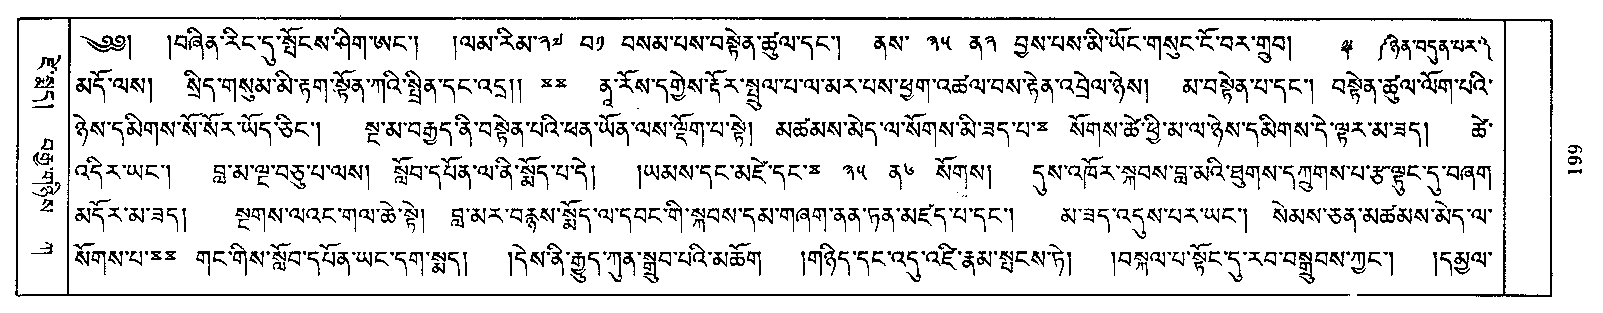༄༅། །བཞིན་རིང་དུ་སྤོངས་ཤིག་ཨང་། །ལམ་རིམ ༢༧་བ ༡་བསམ་པས་བསྟེན་ཚུལ་དང་། ནས ༣༥་ན ༢་བྱས་པས་མི་ཡོང་གསུང་ངོ་བར་གྲུབ། ༈ ཉིན་བདུན་པར྄
མདོ་ལས། སྲིད་གསུམ་མི་རྟག་སྟོན་ཀའི་སྤྲིན་དང་འདྲ།། ྾྾་ནཱ་རོས་དགྱེས་རྡོར་སྤྲུལ་པ་ལ་མར་པས་ཕྱག་འཚལ་བས་རྟེན་འབྲེལ་ཉེས། མ་བསྟེན་པ་དང་། བསྟེན་ཚུལ་ལོག་པའི་
ཉེས་དམིགས་སོ་སོར་ཡོད་ཅིང་། སྔ་མ་བརྒྱད་ནི་བསྟེན་པའི་ཕན་ཡོན་ལས་ལྡོག་པ་སྟེ། མཚམས་མེད་ལ་སོགས་མི་ཟད་པ་྾་སོགས་ཚེ་ཕྱི་མ་ལ་ཉེས་དམིགས་དེ་ལྟར་མ་ཟད། ཚེ་
འདིར་ཡང་། བླ་མ་ལྔ་བཅུ་པ་ལས། སློབ་དཔོན་ལ་ནི་སྨོད་པ་དེ། །ཡམས་དང་མཛེ་དང་྾ ༣༥་ན ༦་སོགས། དུས་འཁོར་སྐབས་བླ་མའི་ཐུགས་དཀྲུགས་པ་རྩ་ལྟུང་དུ་བཞག་
མདོར་མ་ཟད། སྔགས་ལའང་གལ་ཆེ་སྟེ། བླ་མར་བརྙས་སྨོད་ལ་དབང་གི་སྐབས་དམ་གཞག་ནན་ཏན་མཛད་པ་དང་། མ་ཟད་འདུས་པར་ཡང་། སེམས་ཅན་མཚམས་མེད་ལ་
སོགས་པ་྾྾་གང་གིས་སློབ་དཔོན་ཡང་དག་སྨད། །དེས་ནི་རྒྱུད་ཀུན་སྒྲུབ་པའི་མཆོག །གཉིད་དང་འདུ་འཛི་རྣམ་སྤངས་ཏེ། །བསྐལ་པ་སྟོང་དུ་རབ་བསྒྲུབས་ཀྱང་། །དམྱལ་